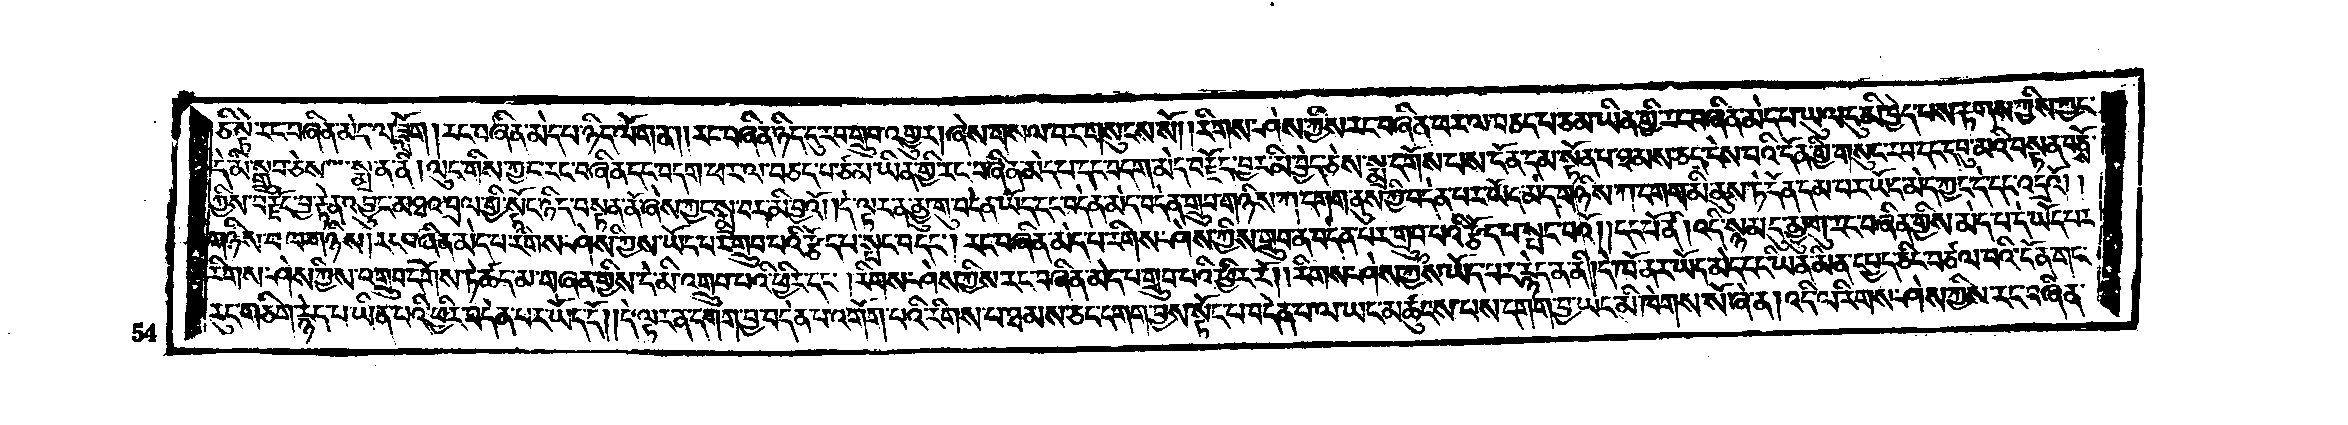ཅི་སྟེ་རང་བཞིན་མེད་ལ་ཟློག། རང་བཞིན་མེད་པ་ཉིད་ལོག་ན། །རང་བཞིན་ཉིད་དུ་རབ་གྲུབ་འགྱུར། ཞེས་གསལ་བར་གསུངས་སོ། །རིགས་ཤེས་ཀྱིས་རང་བཞིན་ཕར་ལ་བཅད་པ་ཙམ་ཡིན་གྱི་རང་བཞིན་མེད་པ་ཡུལ་དུ་མི་བྱེད་པས་རྟགས་ཀྱིས་ཀྱང་
དེ་མི་སྒྲུབ་ཅེས་སྨྲ་ན་ནི། ལུང་གིས་ཀྱང་རང་བཞིན་དང་བདག་ཕར་ལ་བཅད་པ་ཙམ་ཡིན་གྱི་རང་བཞིན་མེད་པ་དང་བདག་མེད་བརྗོད་བྱར་མི་བྱེད་ཅེས་སྨྲ་དགོས་པས་དོན་དམ་སྟོན་པ་ཐམས་ཅད་ངེས་པའི་དོན་གྱི་གསུང་རབ་དང་དབུ་མའི་བསྟན་བཅོས་
ཀྱིས་བརྗོད་བྱ་རྟེན་འབྱུང་མཐའ་བྲལ་གྱི་སྟོང་ཉིད་བསྟན་ནོ་ཞེས་ཀྱང་སྨྲ་བར་མི་བྱའོ། །དེ་ལྟར་ན་མྱུ་གུ་བདེན་ཡོད་དང་བདེན་མེད་བདེན་གྲུབ་གཉིས་ཀ་དགག་ནུས་ཀྱི་བདེན་པར་ཡོད་མེད་གཉིས་ཀ་དགག་མི་ནུས་ཏེ་དོན་དམ་པར་ཡོད་མེད་ཀྱང་དེ་དང་འདྲའོ། །
གཉིས་པ་ལ་གཉིས། རང་བཞིན་མེད་པ་རིགས་ཤེས་ཀྱིས་ཡོད་པར་གྲུབ་པའི་རྩོད་པ་སྤང་བ་དང་། རང་བཞིན་མེད་པ་རིགས་ཤེས་ཀྱིས་གྲུབ་ན་བདེན་པར་གྲུབ་པའི་རྩོད་པ་སྤང་བའོ། །དང་པོ་ནི། འདི་སྙམ་དུ་མྱུ་གུ་རང་བཞིན་གྱིས་མེད་པ་དེ་ཡོད་པར་
རིགས་ཤེས་ཀྱིས་འགྲུབ་དགོས་ཏེ་ཚད་མ་གཞན་གྱིས་དེ་མི་འགྲུབ་པའི་ཕྱིར་དང་། རིགས་ཤེས་ཀྱིས་རང་བཞིན་མེད་པ་གྲུབ་པའི་ཕྱིར་རོ། །རིགས་ཤེས་ཀྱིས་ཡོད་པར་རྙེད་ན་ནི། དེ་ཁོ་ནར་ཡོད་མེད་དང་ཡིན་མིན་དཔྱད་ཅིང་བཙལ་བའི་དོན་གང་
རུང་གཅིག་རྙེད་པ་ཡིན་པའི་ཕྱིར་བདེན་པར་ཡོད་དོ། །དེ་ལྟར་ན་དགག་བྱ་བདེན་པ་འགོག་པའི་རིགས་པ་ཐམས་ཅད་དགག་བྱས་སྟོང་པ་བདེན་པ་ལ་ཡང་མཚུངས་པས་དགག་བྱ་ཡང་མི་ཁེགས་སོ་ཞེ་ན། འདི་ལ་རིགས་ཤེས་ཀྱིས་རང་བཞིན་